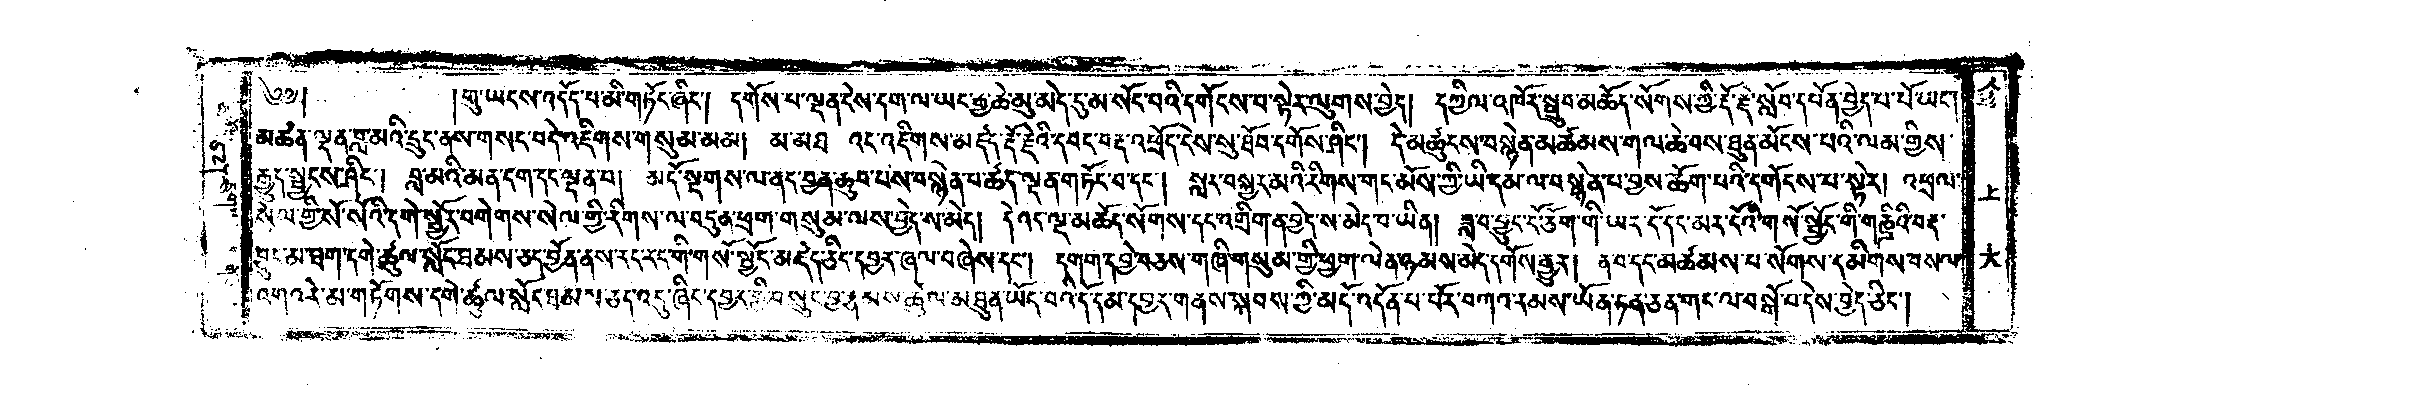༄༅། །གུ་ཡངས་འདོད་པ་མི་གཏོང་ཞིང་། དགོས་པ་ལྡན་ངེས་དག་ལ་ཡང་རྒྱ་ཆེ་མུ་མེད་དུ་མ་སོང་བའི་དགོངས་པ་སྟེར་ལུགས་བྱེད། དཀྱིལ་འཁོར་སྒྲུབ་མཆོད་སོགས་ཀྱི་རྡོ་རྗེ་སློབ་དཔོན་བྱེད་པ་པོ་ཡང་།
མཚན་ལྡན་བླ་མའི་དྲུང་ནས་གསང་བདེ་འཇིགས་གསུམ་མམ། མ་མཐའང་འཇིགས་མཛད་རྡོ་རྗེའི་དབང་བརྡ་འཕྲོད་ངེས་སུ་ཐོབ་དགོས་ཤིང་། དེ་མཚུངས་བསྙེན་མཚམས་གལ་ཆེ་བས་ཐུན་མོངས་པའི་ལམ་གྱིས་
རྒྱུད་སྦྱངས་ཤིང་། བླ་མའི་མན་ངག་དང་ལྡན་པ། མདོ་སྔགས་ལ་ནད་བྱན་ཆུབ་པས་བསྙེན་པ་ཚད་ལྡན་གཏོང་བ་དང་། སླར་བསྐྱར་མའི་རིགས་གང་མོས་ཀྱི་ཡི་དམ་ལ་བསྙེན་པ་བྱས་ཆོག་པའི་དགོངས་པ་སྟེར། འཕྲལ་
སེལ་གྱི་སོ་སོའི་དགེ་སྦྱོར་བགེགས་སེལ་གྱི་རིགས་ལ་བདུན་ཕྲག་གསུམ་ལས་བྱེད་ས་མེད། དེའང་ལྔ་མཆོད་སོགས་དང་འགྲིག་ན་བྱེད་ས་མེད་པ་ཡིན། ཟླ་བ་བྱུང་ངོ་ཅོག་གི་ཡར་ངོ་དང་མར་ངོའི་གསོ་སྦྱོང་གི་གཎྜིའི་བརྡ་
བྱུང་མ་ཐག་དགེ་ཚུལ་སློང་ཐམས་ཅད་བྱོན་ནས་རང་རང་གི་གསོ་སྦྱོང་མཛད་ཅིང་དབྱར་ཞལ་བཞེས་དང་། དགག་དབྱེ་བཅས་གཞི་གསུམ་གྱི་ཕྱག་ལེན་ཉམས་མེད་དགོས་རྒྱུར། ན་བ་དང་མཚམས་པ་སོགས་དམིགས་བསལ་
འགའ་རེ་མ་གཏོགས་དགེ་ཚུལ་སློང་ཐམས་ཅད་འདུ་ཞིང་དབྱར་གྱི་བསྲུང་བྱ་རྣམས་ཚུལ་མཐུན་ཡོང་བའི་དོ་དམ་དབྱར་གནས་སྐབས་ཀྱི་མདོ་འདོན་པ་པོར་བཀའ་རམས་ཡོན་ཏན་ཅན་གང་ལ་བསྒོ་བ་དེས་བྱེད་ཅིང་།